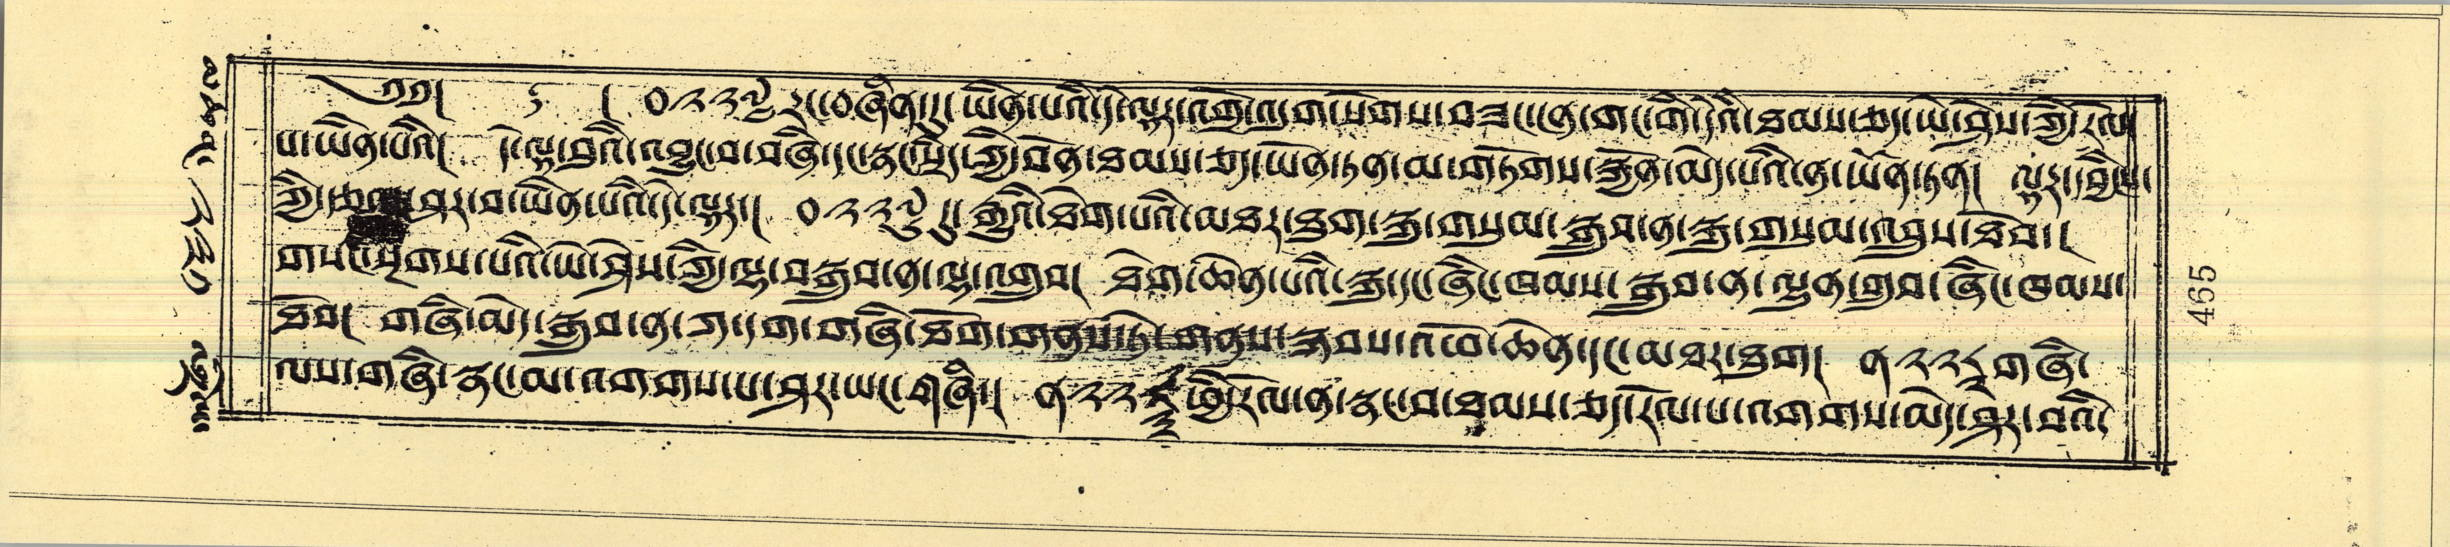བ༢༢༧།༤༼རང་བཞིན་དུ༽ཡིན་པའི་དེ་ལྟར་འགྲོ་འདུག་སོགས་བཟང་ངན་གང་གི་དེའི་ཐམས་ཅད་ཡེ་ཤེས་ཀྱི་རོལ་
པ་ཡིན་པའི་དེ་ལྟ་བུའི་འབྱུང་བ་བཞི་དང་སྣང་སྲིད་ཀྱི་བོན་ཐམས་ཅད་ཡོན་ཏན་མ་གཏོགས་སྐྱོན་མེད་པས་ན་ཡོན་ཏན་༼ལྟར༽དབྱིངས་
ཀྱི་རྩལ་ཤར་བ་ཡིན་པས་དེ་ལྟར་བ༢༢༧།༦༼དུ༽རྒྱུའི་ཐེག་པའི་མཐར་ཐུག་སྐུ་གསུམ་བསྒྲུབ་ན་སྐུ་གསུམ་འབྲས་བུ་ཐོབ། 
གསང་སྔགས་པའི་ཡེ་ཤེས་ཀྱི་ལྷ་བསྒྲུབ་ན་ལྷ་འགྲུབ། ཐེག་ཆེན་པའི་སྐུ་དང་ཞིང་ཁམས་བསྒྲུབ་ན་ལྷུན་གྲུབ་ཞིང་ཁམས་
ཐོབ། གཞི་མེད་བསྒྲུབ་ན་ཀ་དག་གཞི་ཐོག་གནས་ཏེ་གནས་སྐབས་འཕོ་ཆེན་དང་མཐར་ཐུག་ན༢༢༤།༢གཞི་
ལས་གཞི་སྣང་མ་འགགས་པ་ཤར་ཡང་༼གཞི༽ན༢༢༨།༣ཕྱི་རོལ་ན་སྣང་བ་ཐམས་ཅད་རོལ་པ་འགག་མེད་ཤར་བའི་